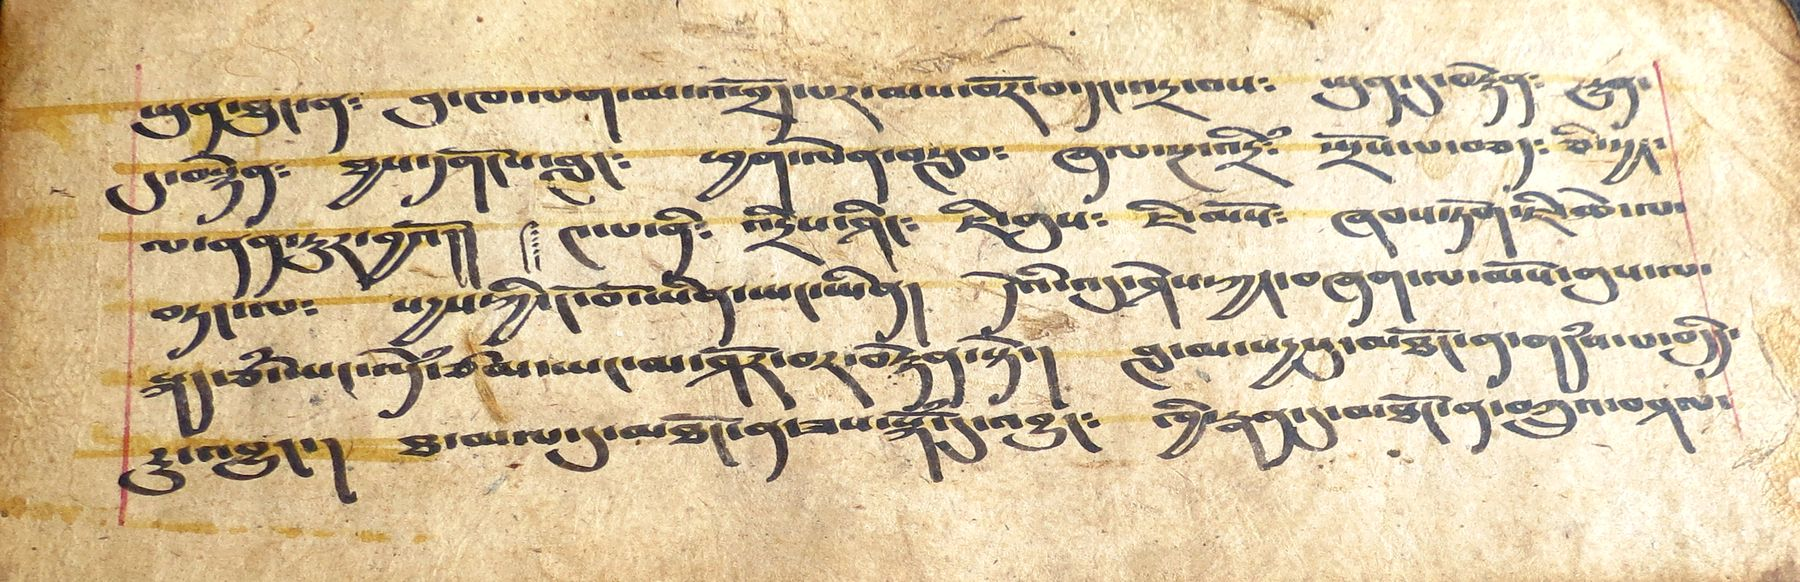ཡུན་ཐུང་ན་བུ་ཁ་ལག་མ་འཕྲོད་པར་མས་བོར་བ་དང་འདྲ་བས། ཡུན་དུ་བསྟེན།ཐུགས་
དགོངས་བླངས། ཕྱག་ལེན་བསླབ། ཞལ་སྔ་འགྲིམ། སྤྲོས་པ་བཅད། ཅི་གསུངས་
པ་ནན་ཏན་བྱའོ། བཞི་པ་༼བསྟེན་པས་མི་སྐྱོ་བ༽ནི། འདྲིས་ཀྱིན་ཇེ་གུས། ཇེ་མོས་ཞབས་ཏོག་ཇེ་ཆེ་ལ་
བཏང་ལ། སངས་རྒྱས་ཀྱི་ངོ་བོ་ཡིན་ཡང་ཡིན། དེའི་འདུ་ཤེས་བཞག་ཀྱང་བཞག་ལ། 
མོས་གུས་ལ་སྐད་ཅིག་ཙམ་ཡང་ལྡེམ་རྐྱང་མ་ཤོར་བར་བྱ་སྟེ། བླ་མ་སངས་རྒྱས་སུ་མཐོང་ན་གདམས་ངག་བདུད་རྩི་
རུ་འགྱུར། ཐ་མལ་དུ་མཐོང་ན་ཟས་སྐོམ་དུ་འབྱུང་། ཁྱི་རྒན་དུ་མཐོང་ན་ཁྲུ་བཤལ་